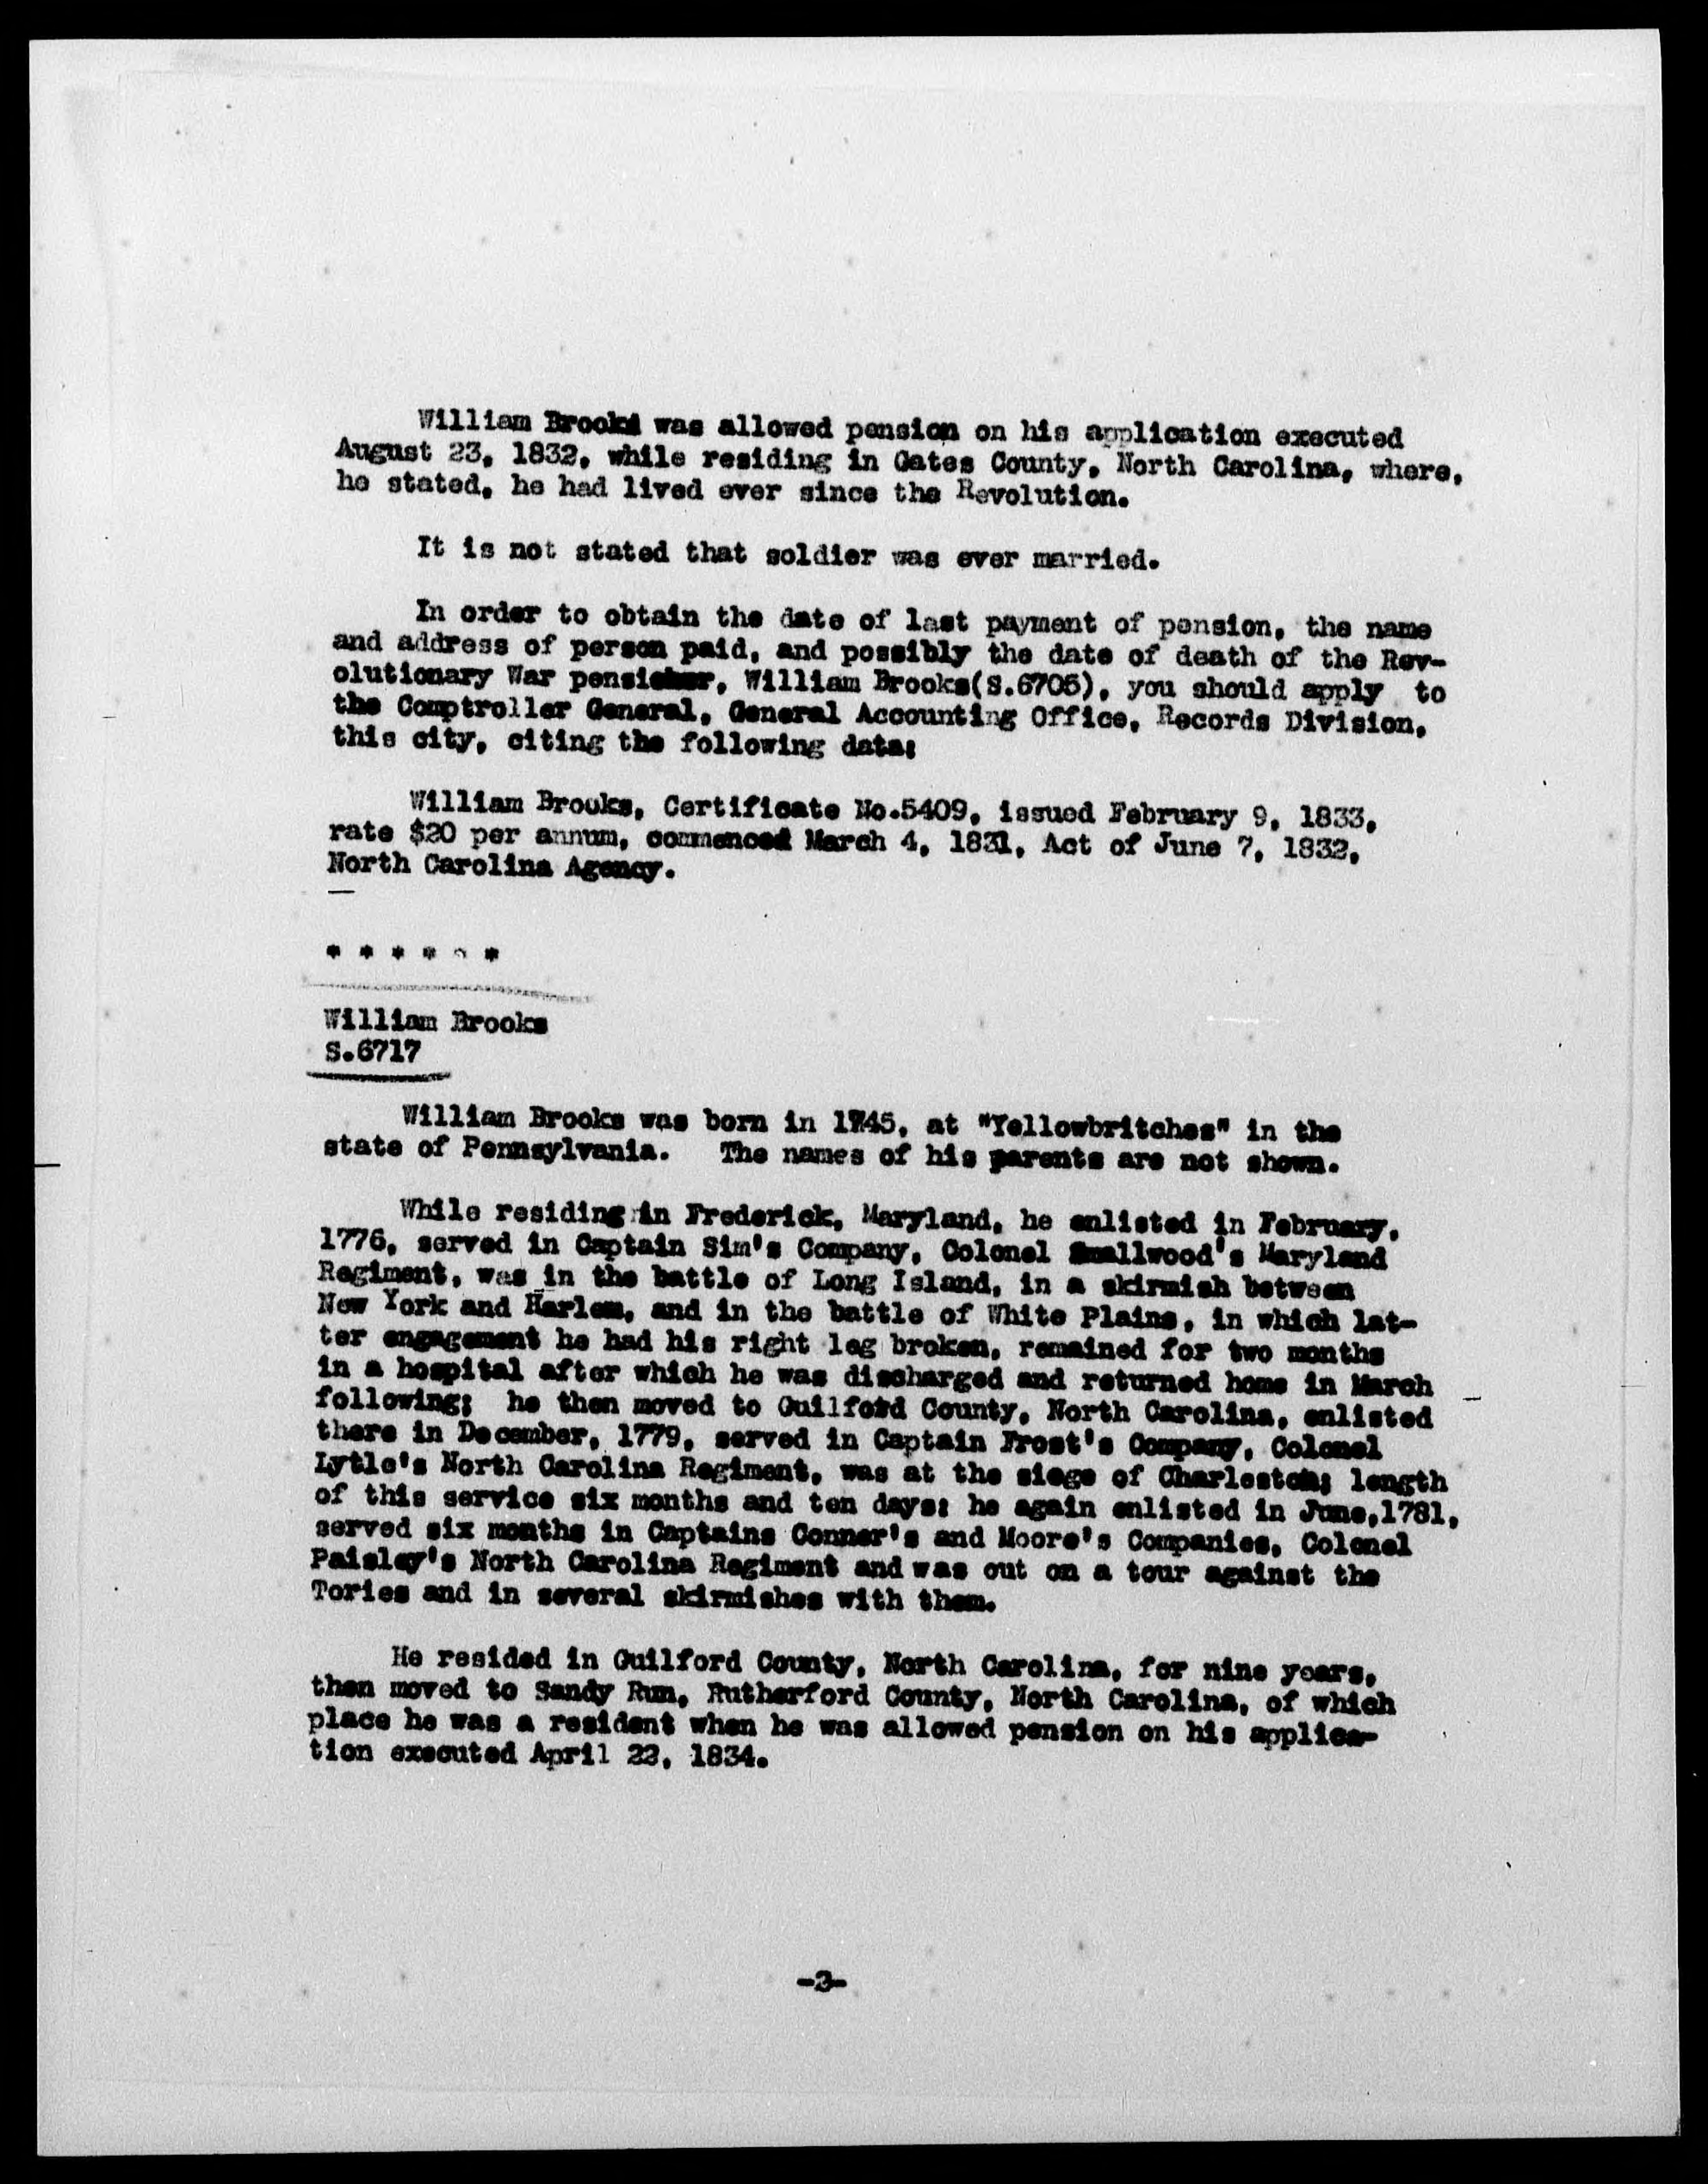William Brooks was allowed pension on his application executed August 23, 1832, while residing in Gates County, North Carolina, where he stated, he had lived ever since the Revolution.

It is not stated that soldier was ever married.

In order to obtain the date of last payment of pension, the name and address of the person paid, and possibly the date of death of the Revolutionary War pensioner, William Brooks (S.6706), you should apply to the Comptroller General, General Accounting Office, Records Division, this city, citing the following data:

William Brooks, Certificate No. 5409, issued February 9, 1833, rate $20 per annum, commenced March 4, 1831, Act of June 7, 1832, North Carolina Agency.

******
William Brooks
S.6717

William Brooks was born in 1745 at "Yellowbritches" in the state of Pennsylvania. The names of his parents are not shown.

While residing in Frederick, Maryland, he enlisted in February, 1776, served in Captain Sim's Company, Colonel Smallwoods's Maryland Regiment, was in the battle of Long Island, in a skirmish between New York and Harlem, and in the battle of White Plains, in which later engagement he had his right leg broken, remained for two months in a hospital after which he was discharged and returned home in March following: he then moved to Guilford County, North Carolina, enlisted there in December, 1779, served in Captain Frost's Company, Colonel Lytle's North Carolina Regiment, was at the siege of Charleston: length of this service six months and ten days: he again enlisted in June, 1781, served six months in Captain Conner's and Moore's Companies, Colonel Paisley's North Carolina Regiment and was out on a tour against the Tories and in several skirmishes with them.

He resided in Guilford County, North Carolina, for nine years, then moved to Sandy Run, Rutherford County, North Carolina, of which place he was a resident when he was allowed pension on his application executed April 22, 1834.

                                   -3-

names: William Brooks, William Brooks, William Brooks, William Brooks, William Brooks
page: 13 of 17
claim: survivor's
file: S. 6717, William Brooks, Md. N.C.